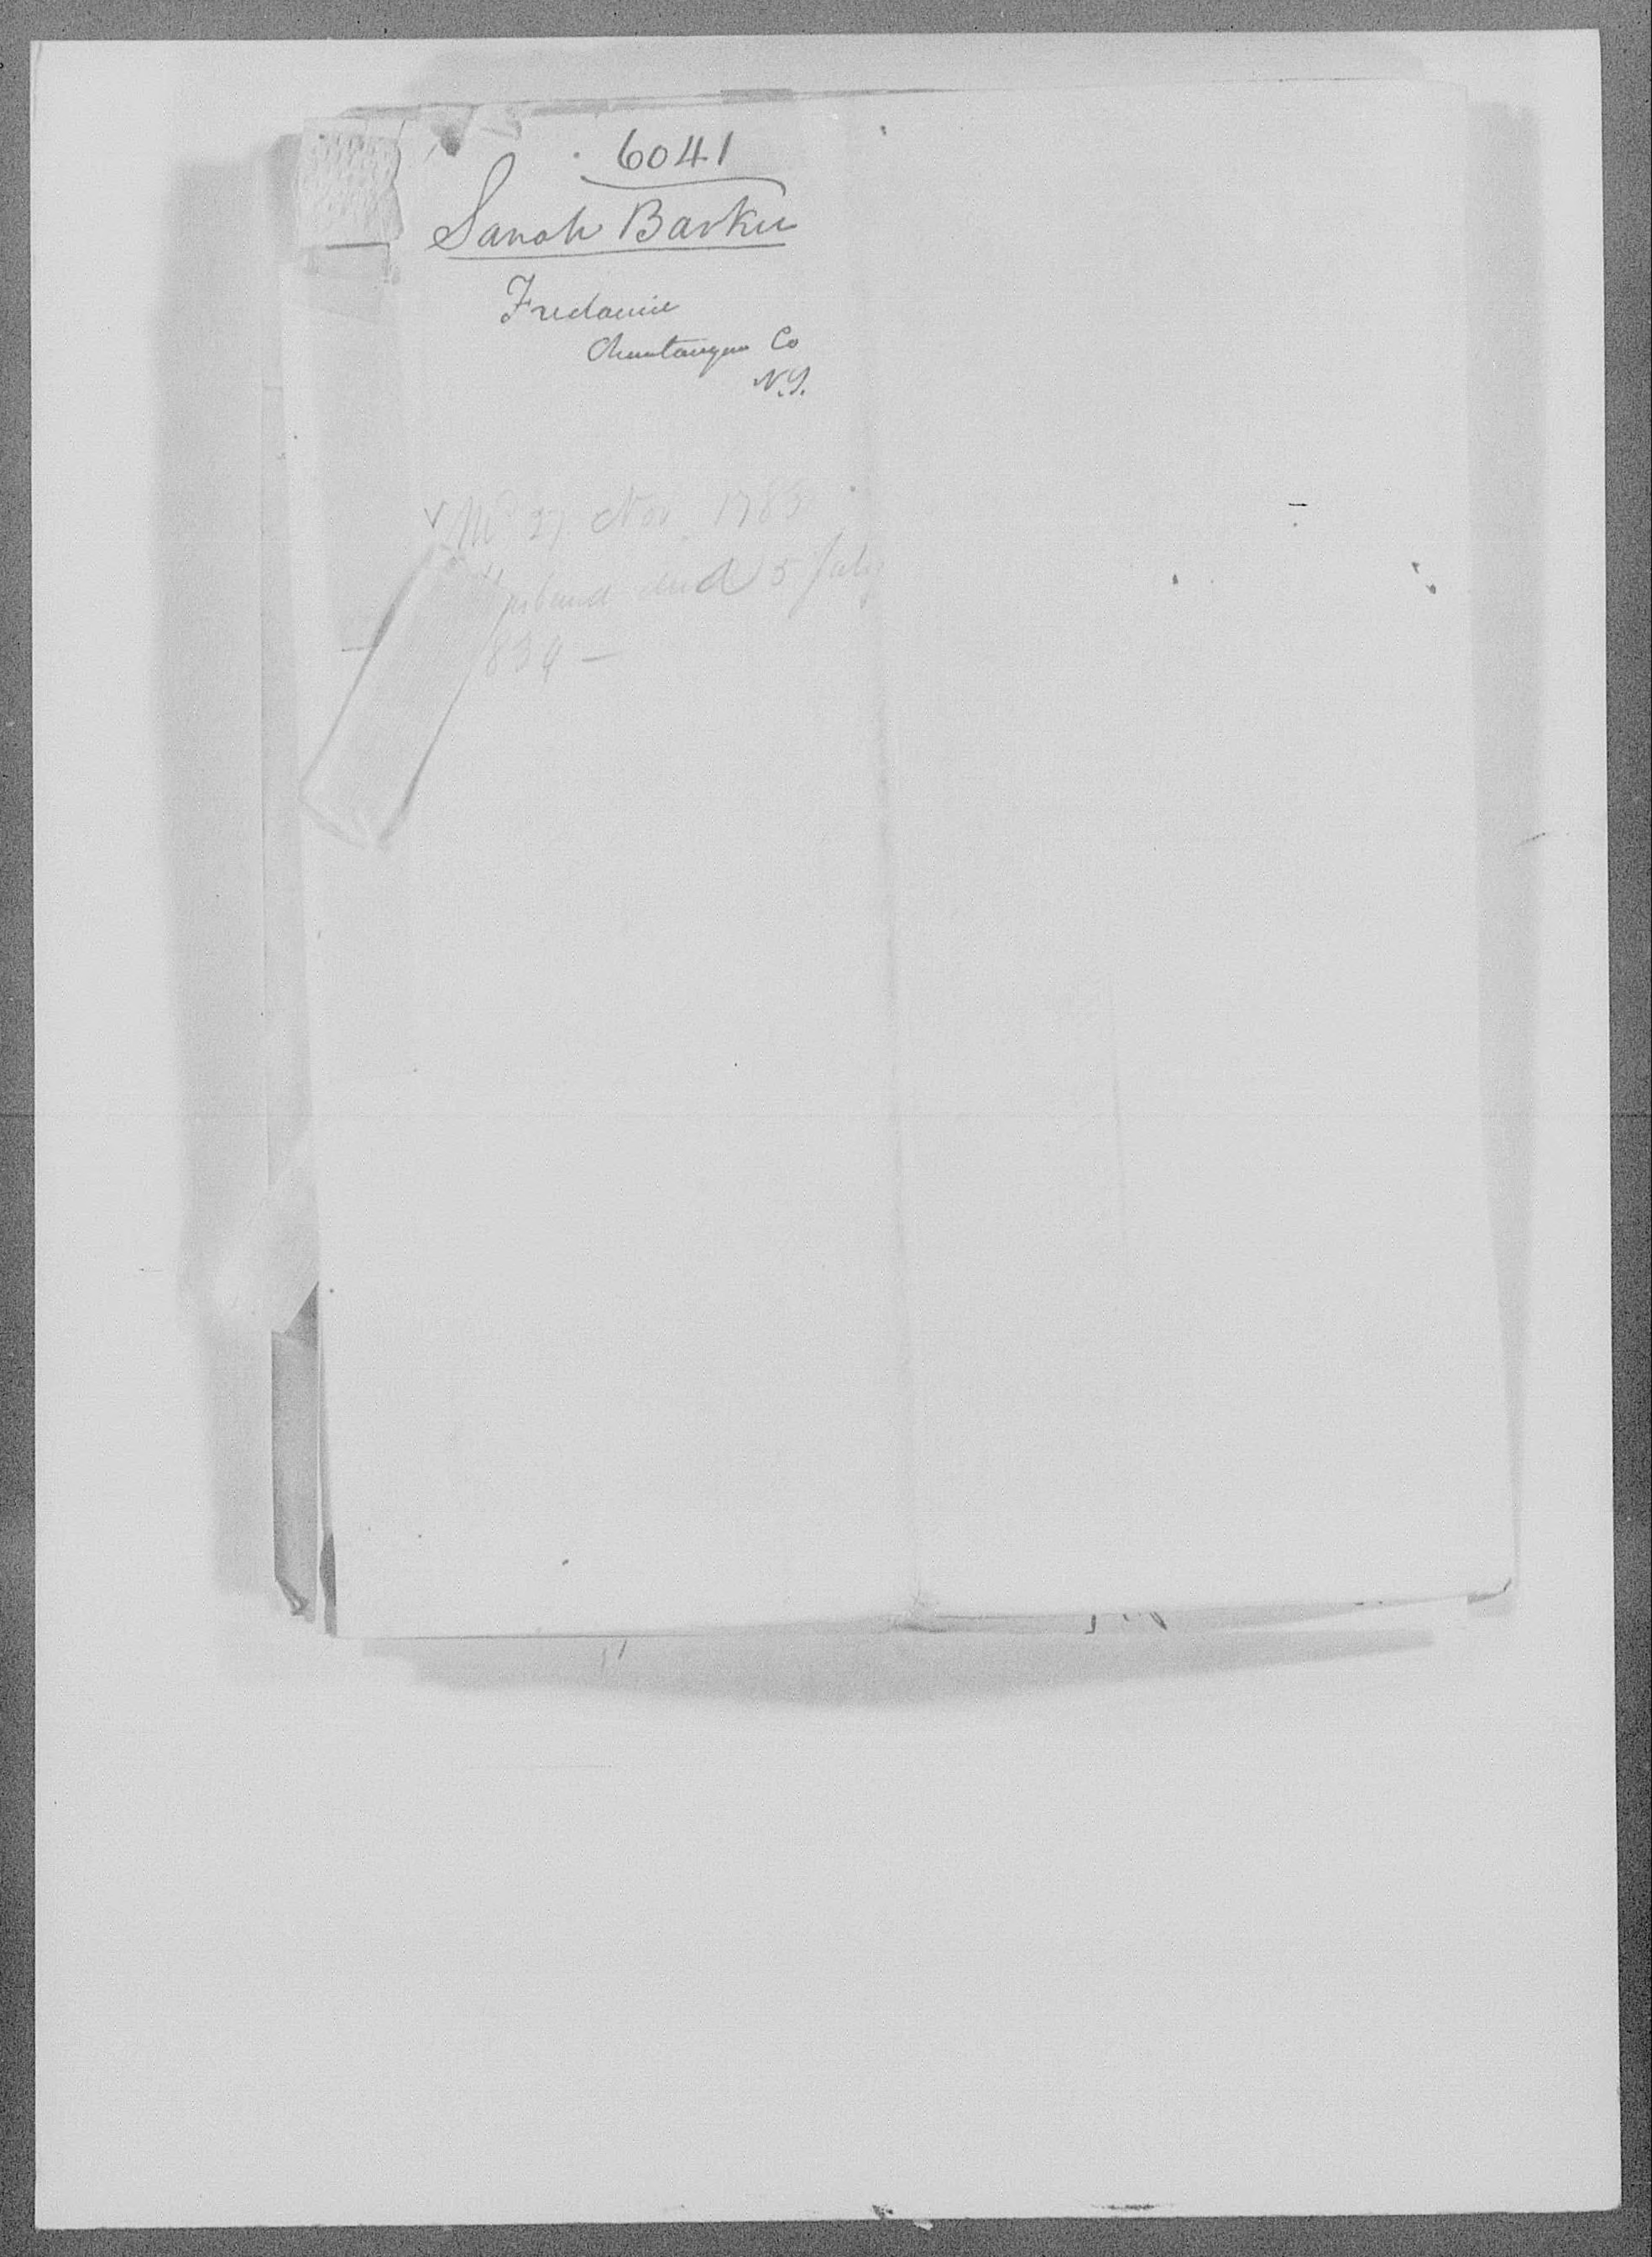6041 Sarah Barker Fredonia Chautauqua Co N.Y. 27 Nov. 1783 Husband died 5 July 1834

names: Sarah Barker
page: 7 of 52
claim: widow's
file: W. 18,565, Hezekiah Barker, Continental R.I.